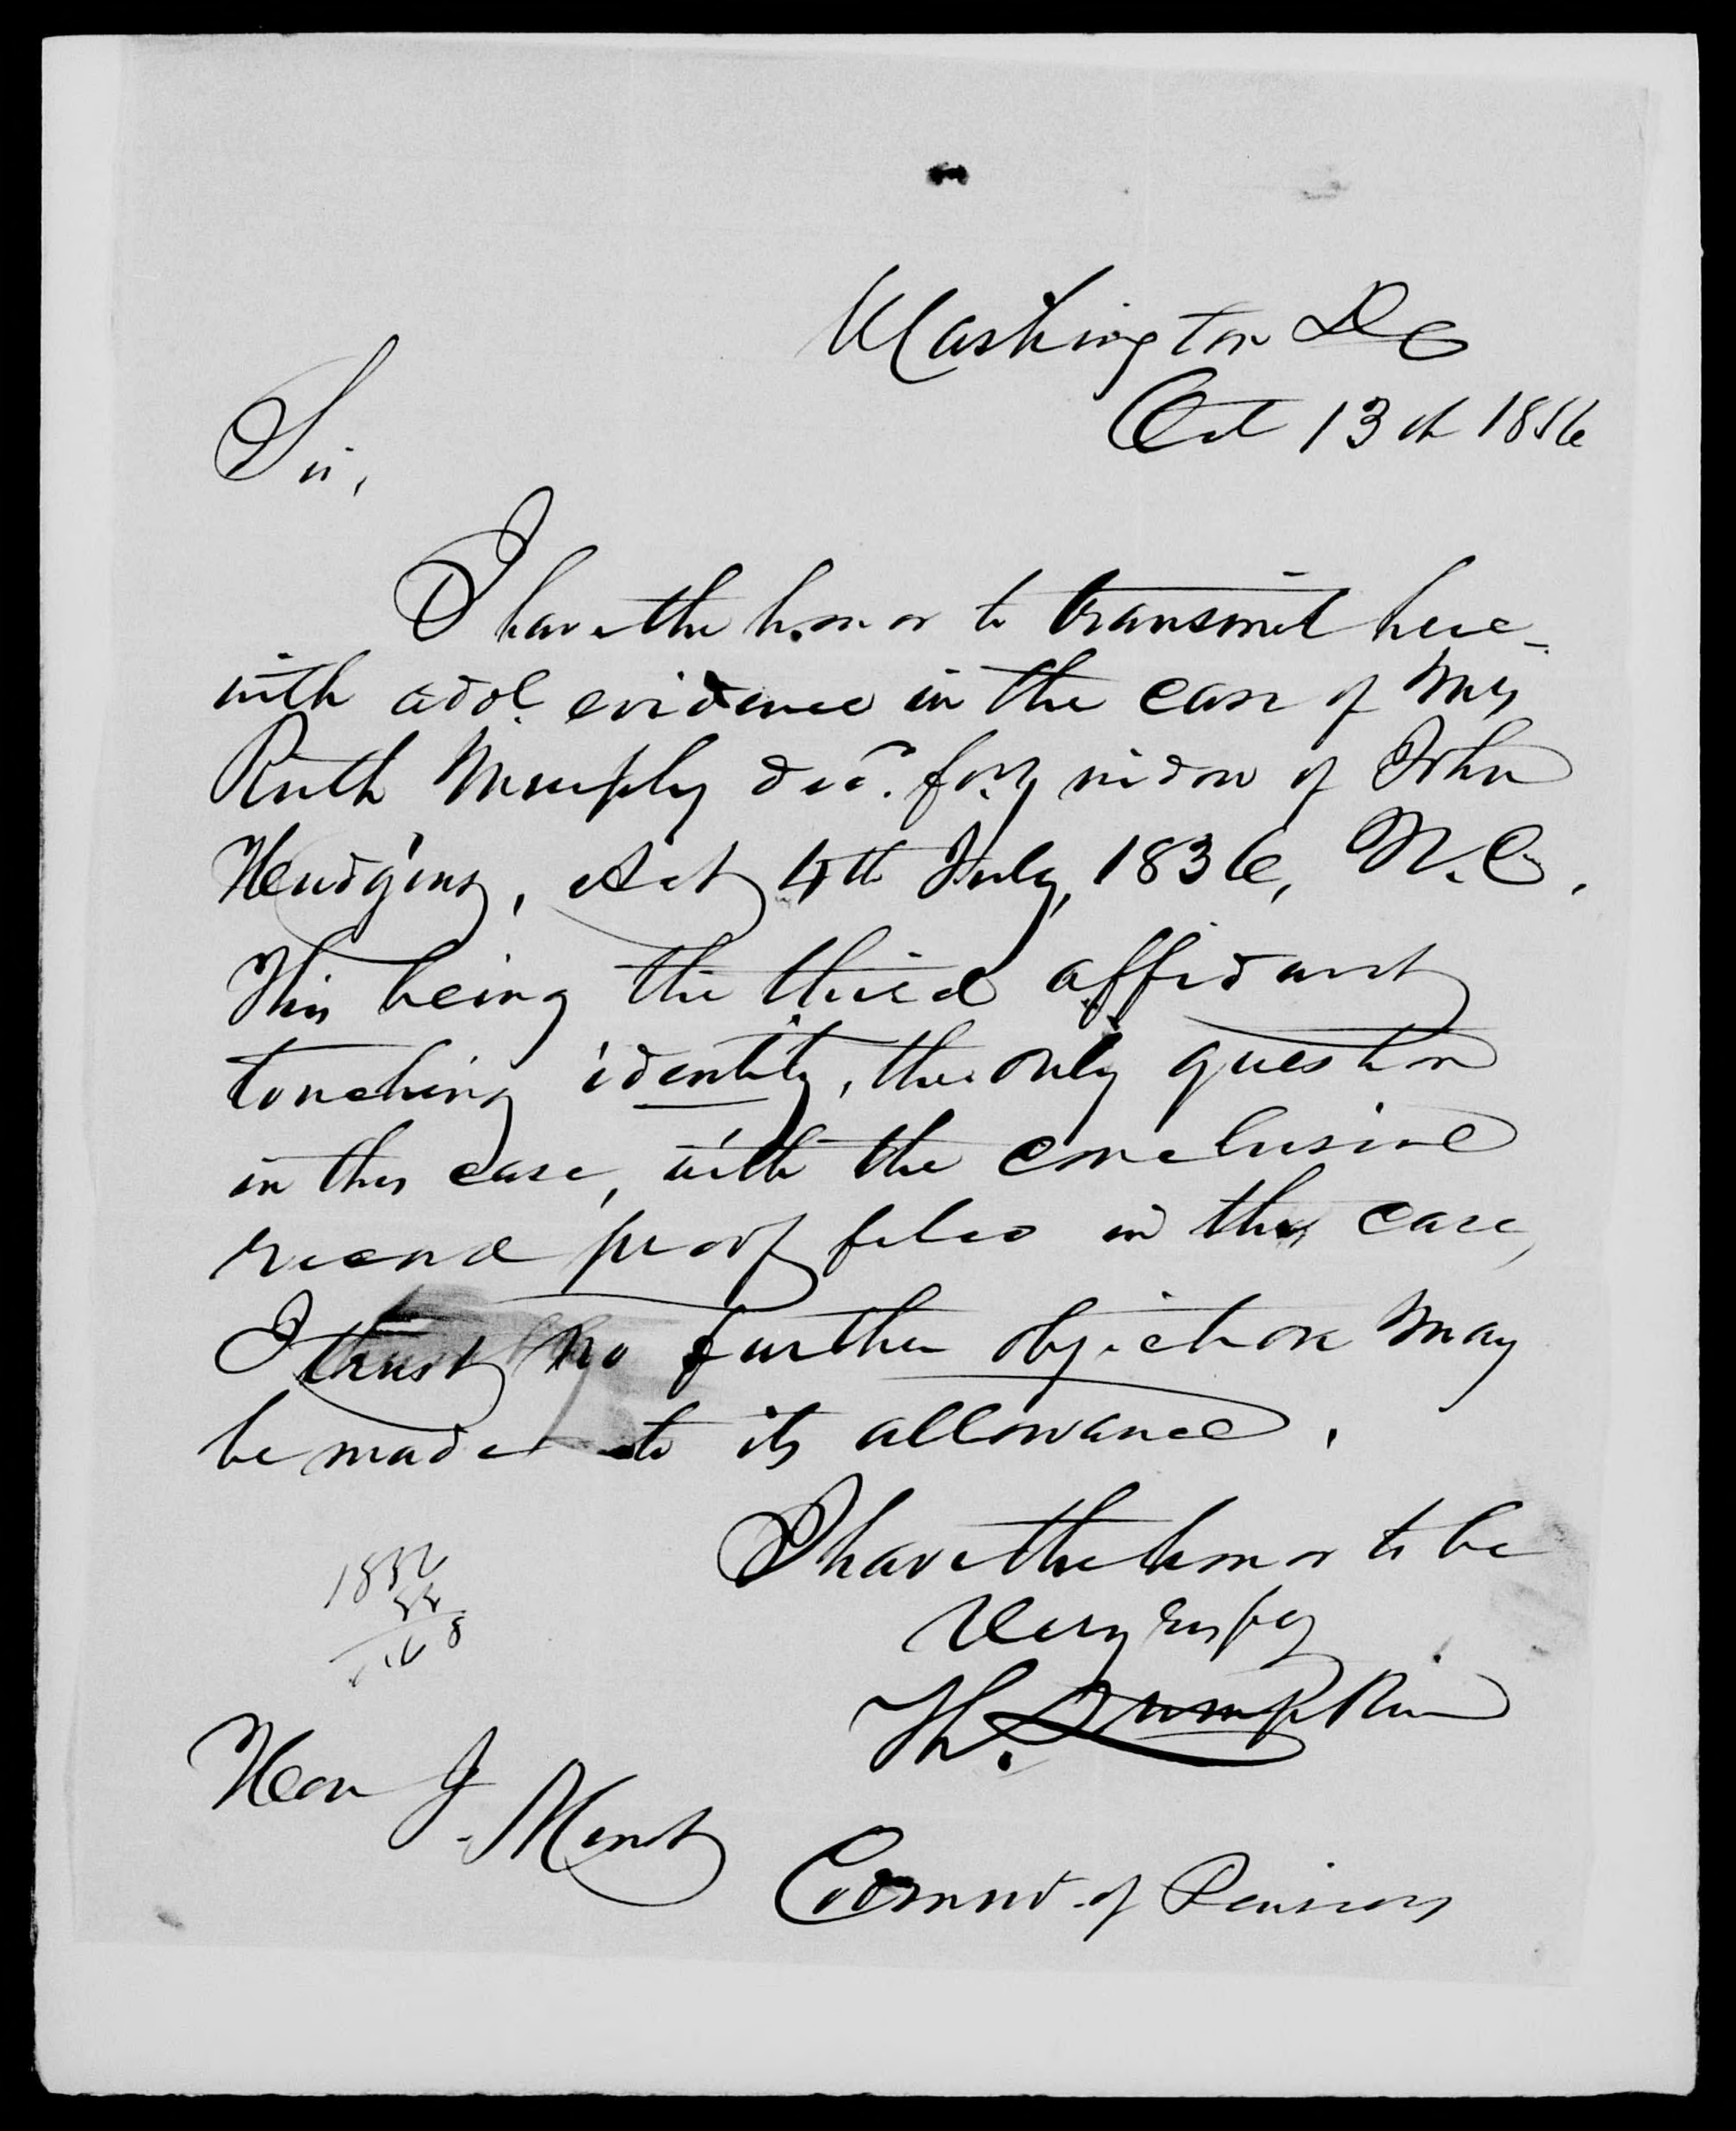Washington DC
Oct 13th 1856
I have the honor to transmit here with all evidence in the can of Mrs Ruth Murphy (not legible) widow of John Huggins, Act 4th July, 1836. N.C
This being the third affidavit touching identity the only question in this case, with the conclusive record found filed in the case, 
I trust no further objection may be made to its allowance.
I have the honor to be 
Very truly
Th. Lumpkin

Hon J. Monot
Comm of Pensions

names: John Hudgins, Th Lumpkin, J Minot, Ruth Murphy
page: 45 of 108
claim: rejected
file: R. 7,515, John Hudgins, N.C.